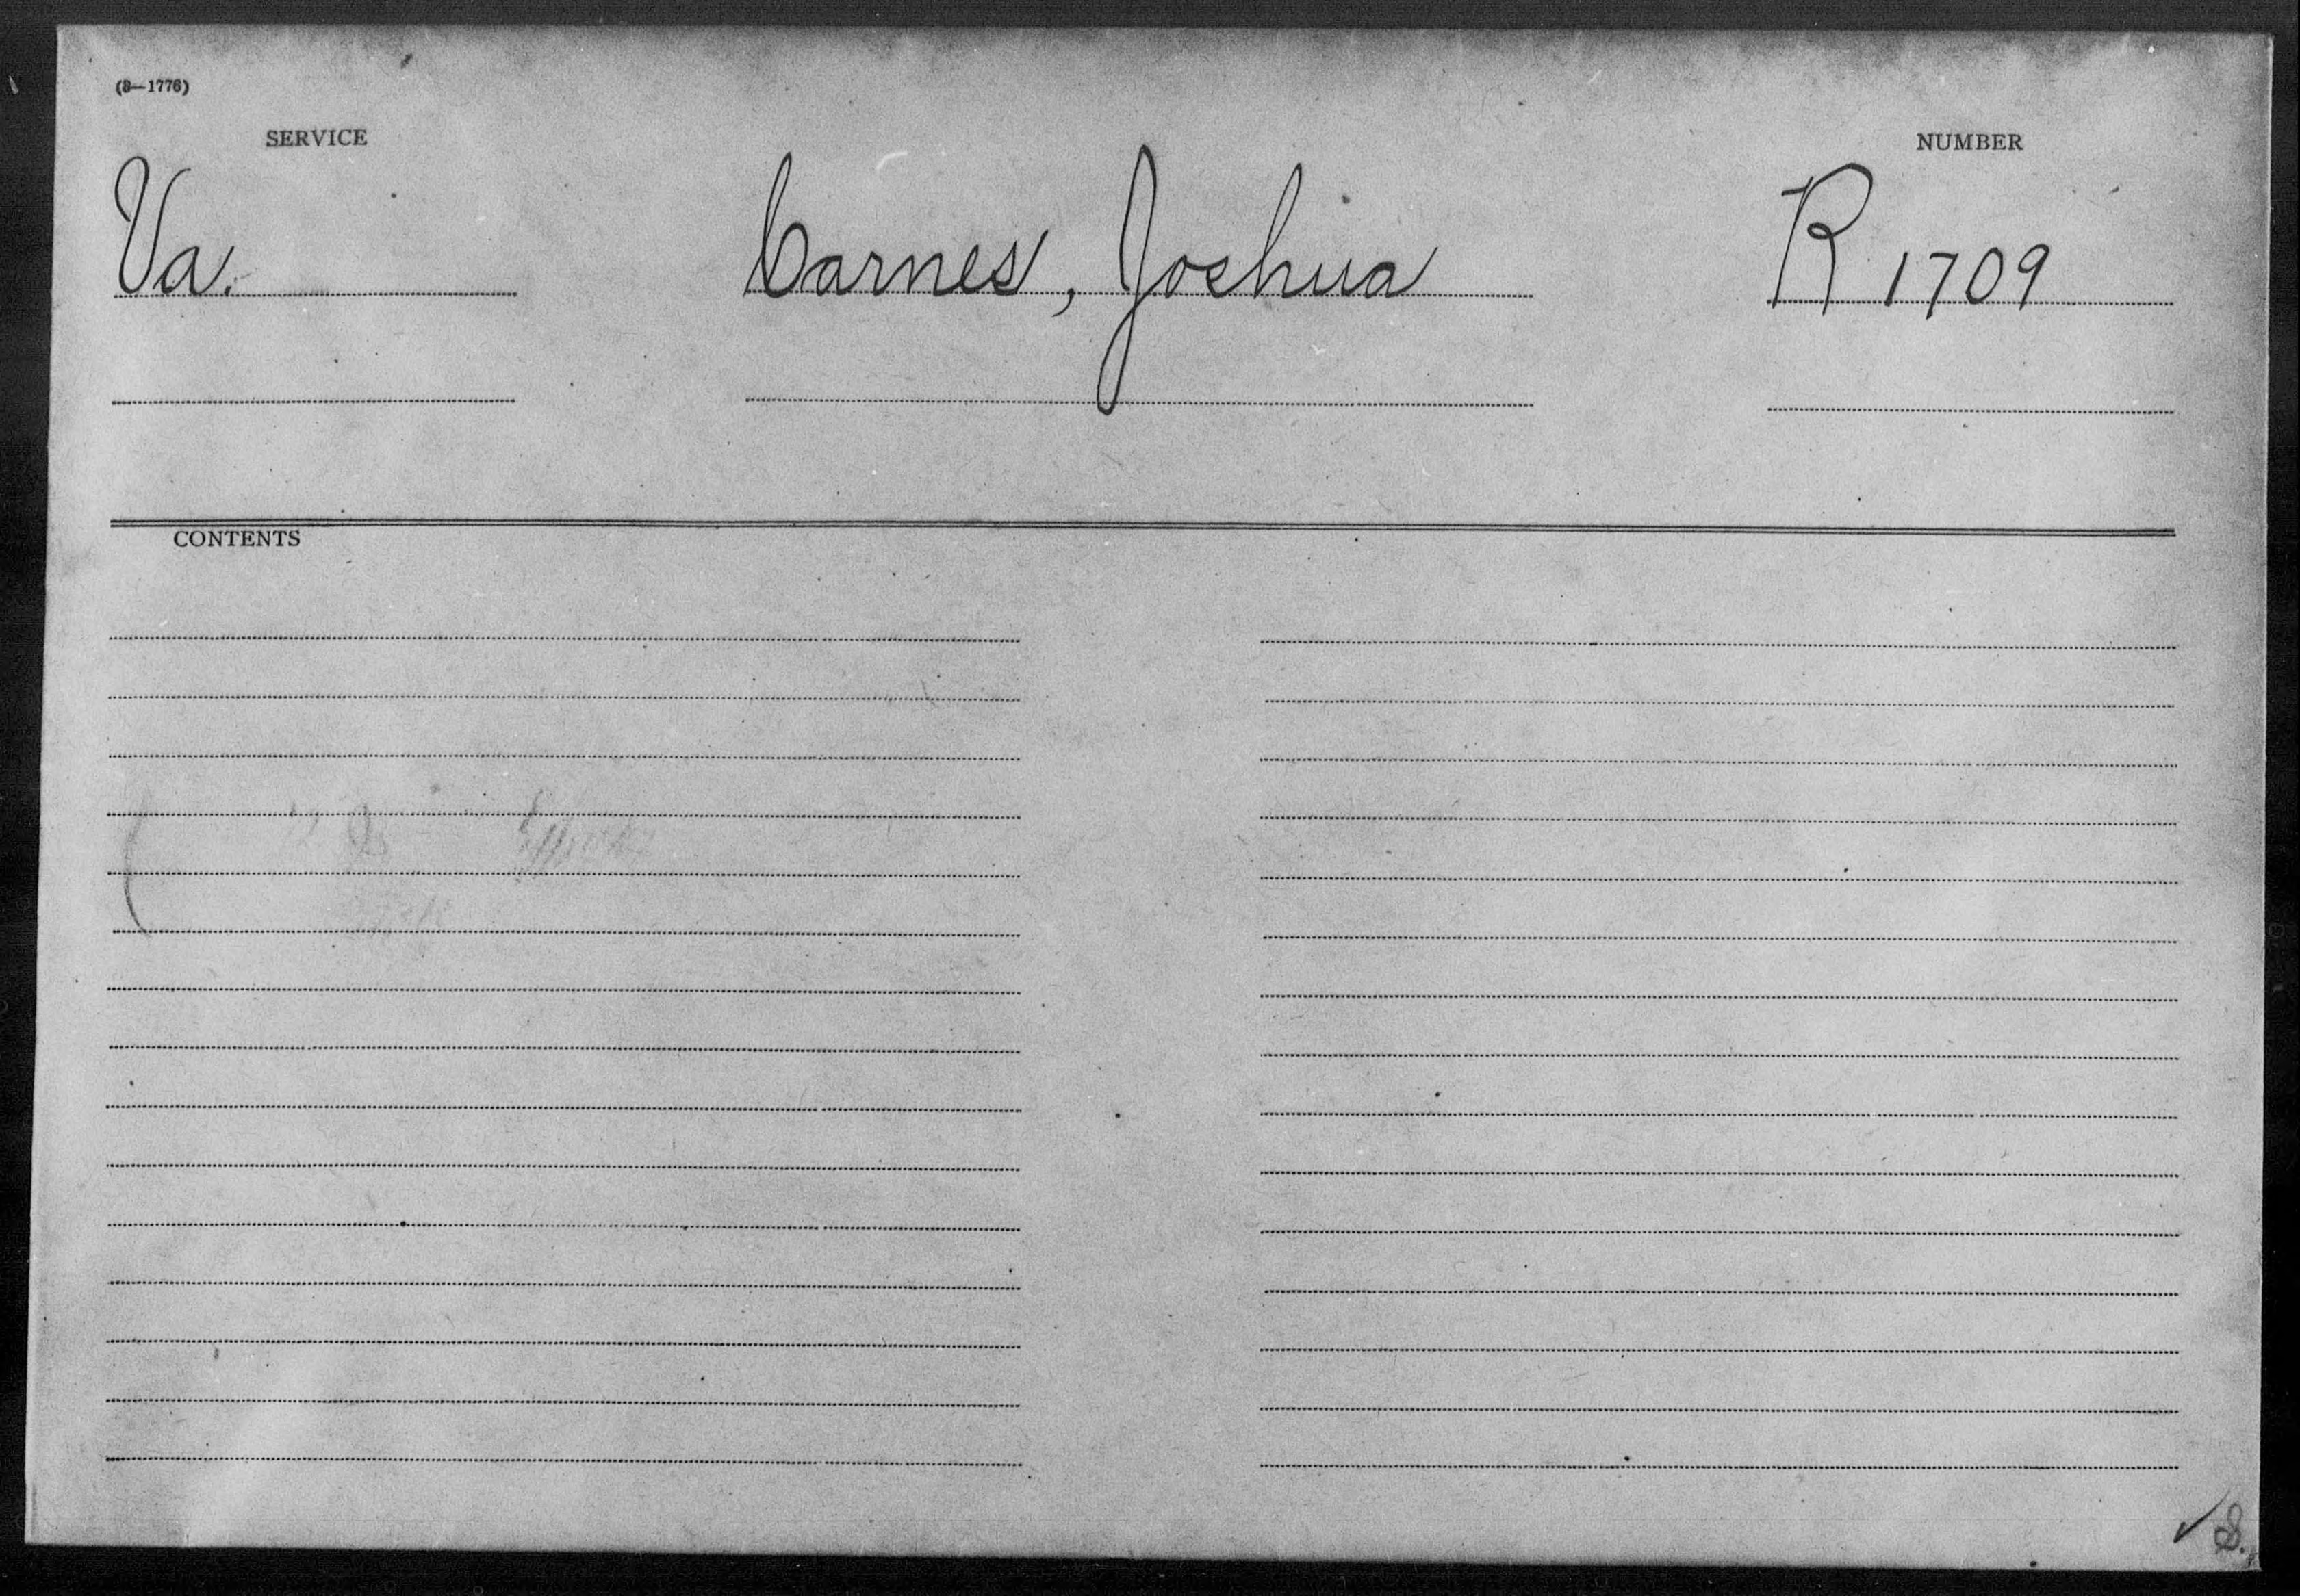Service VA Carnes, Joshua Number R1709 Contents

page: 1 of 22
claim: rejected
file: R 1709, Joshua Carnes, Va.